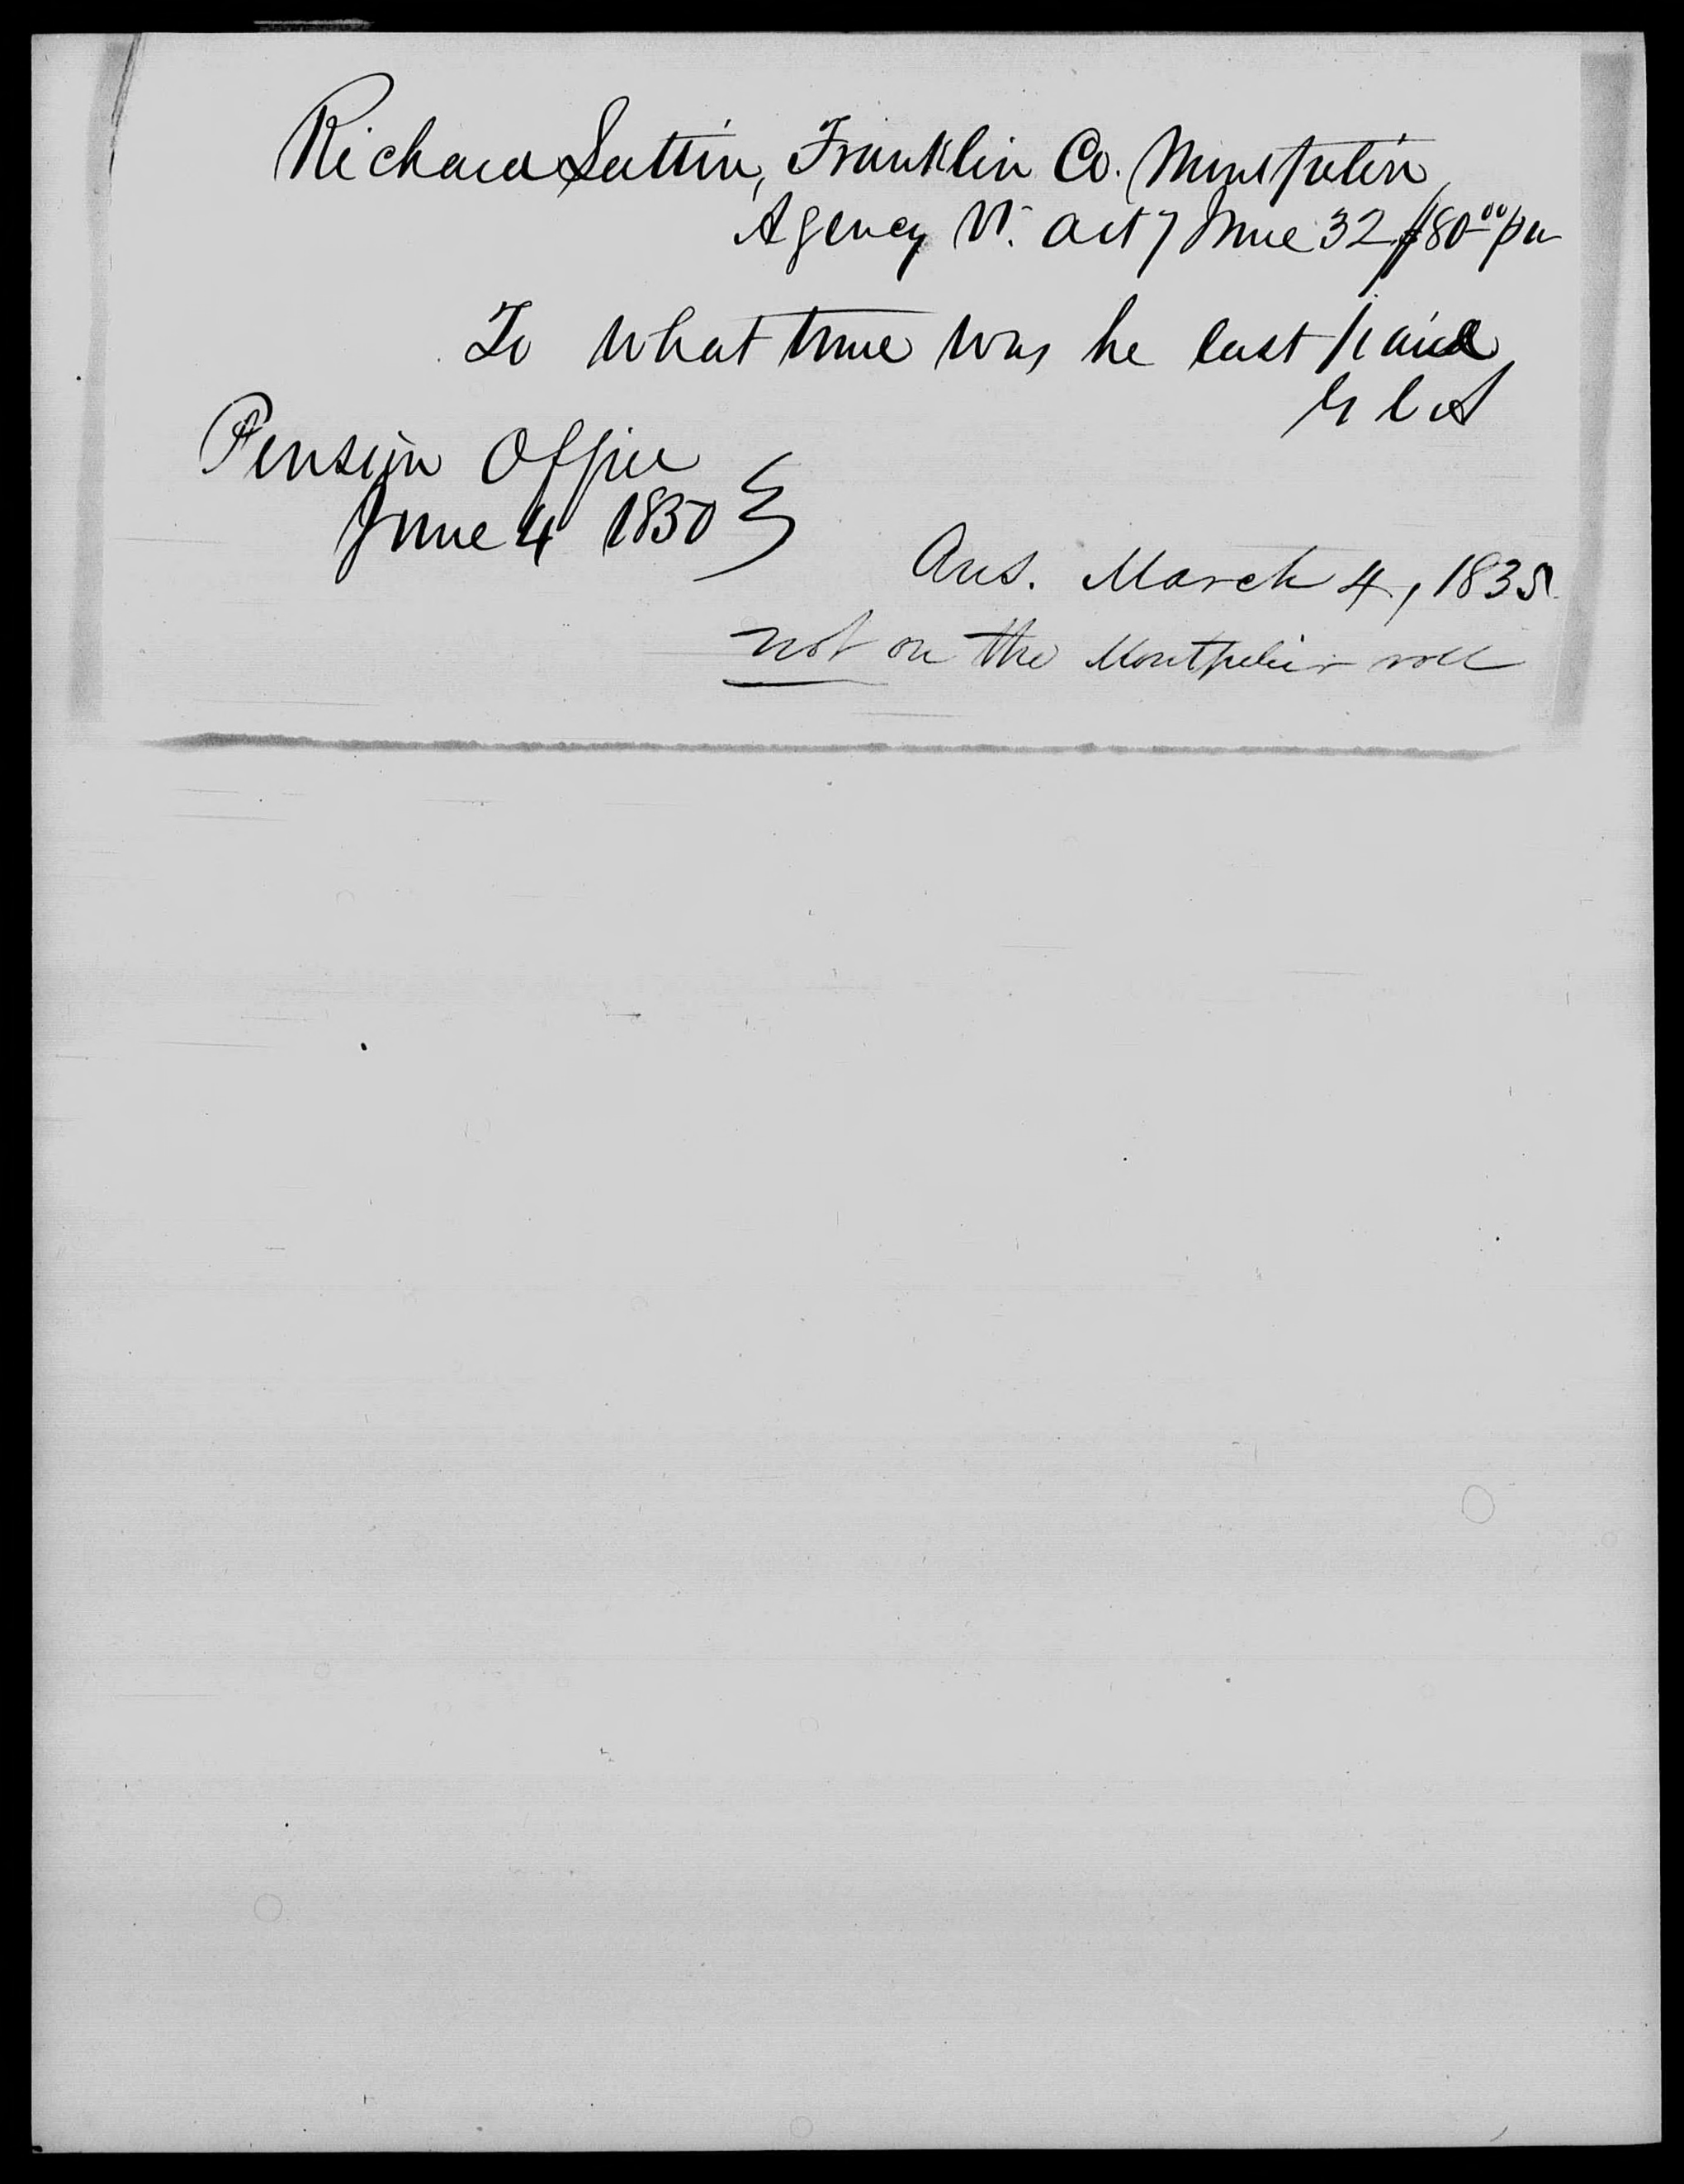Richard Lattin
Franklin Co. Montpelier
Agency Vt. Act 7 June 32 $80 pr
To what time was he last paid
GLS

Pension Office
June 4 1850

Ans. March 4, 1835.
not on the Montpelier roll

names: Richard Lattin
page: 63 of 99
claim: widow's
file: W. 24,482, for Richard Lattin, Vermont